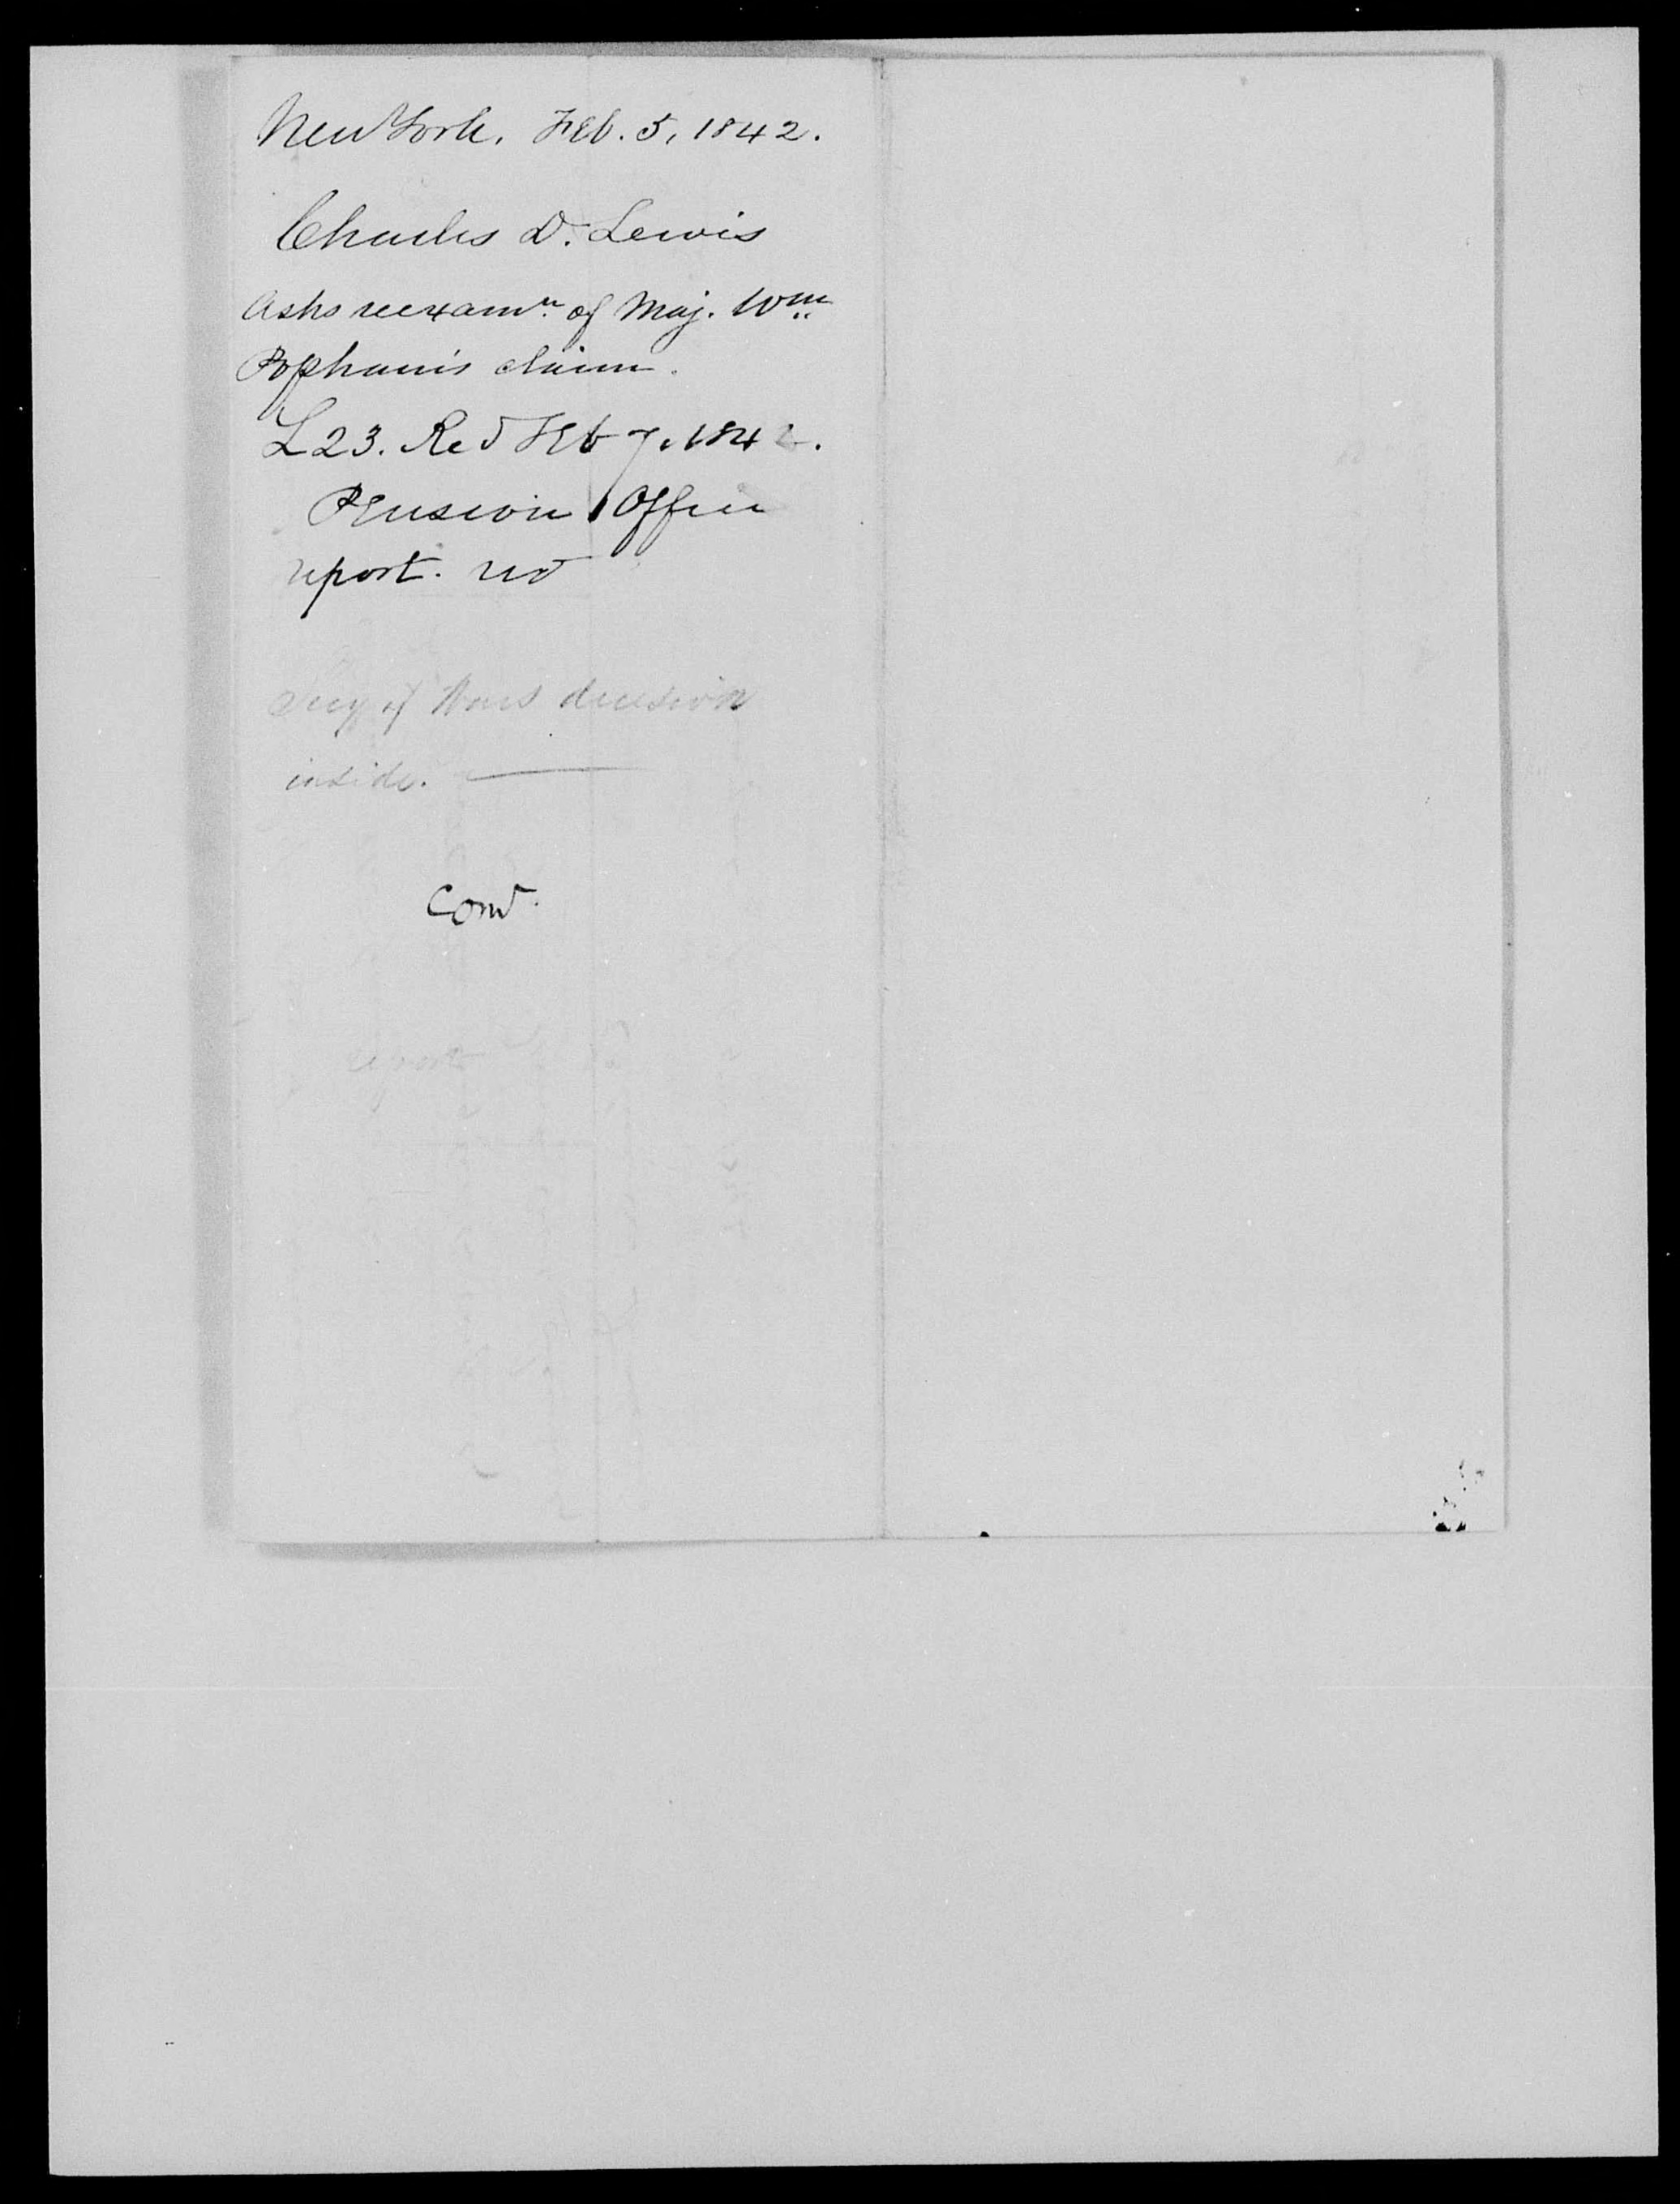New York, Feb. 5, 1842.
Charles D. Lewis
Asks reexam of Maj. Wm .
Popham's claim
L23. Rev Feby. 1842.
Pension Office
report :no
Secy of Wars decision
inside.
Conv.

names: Charles D Lewis; Wm Popham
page: 23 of 75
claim: survivor's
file: S. 9989, for William Popham, Delaware